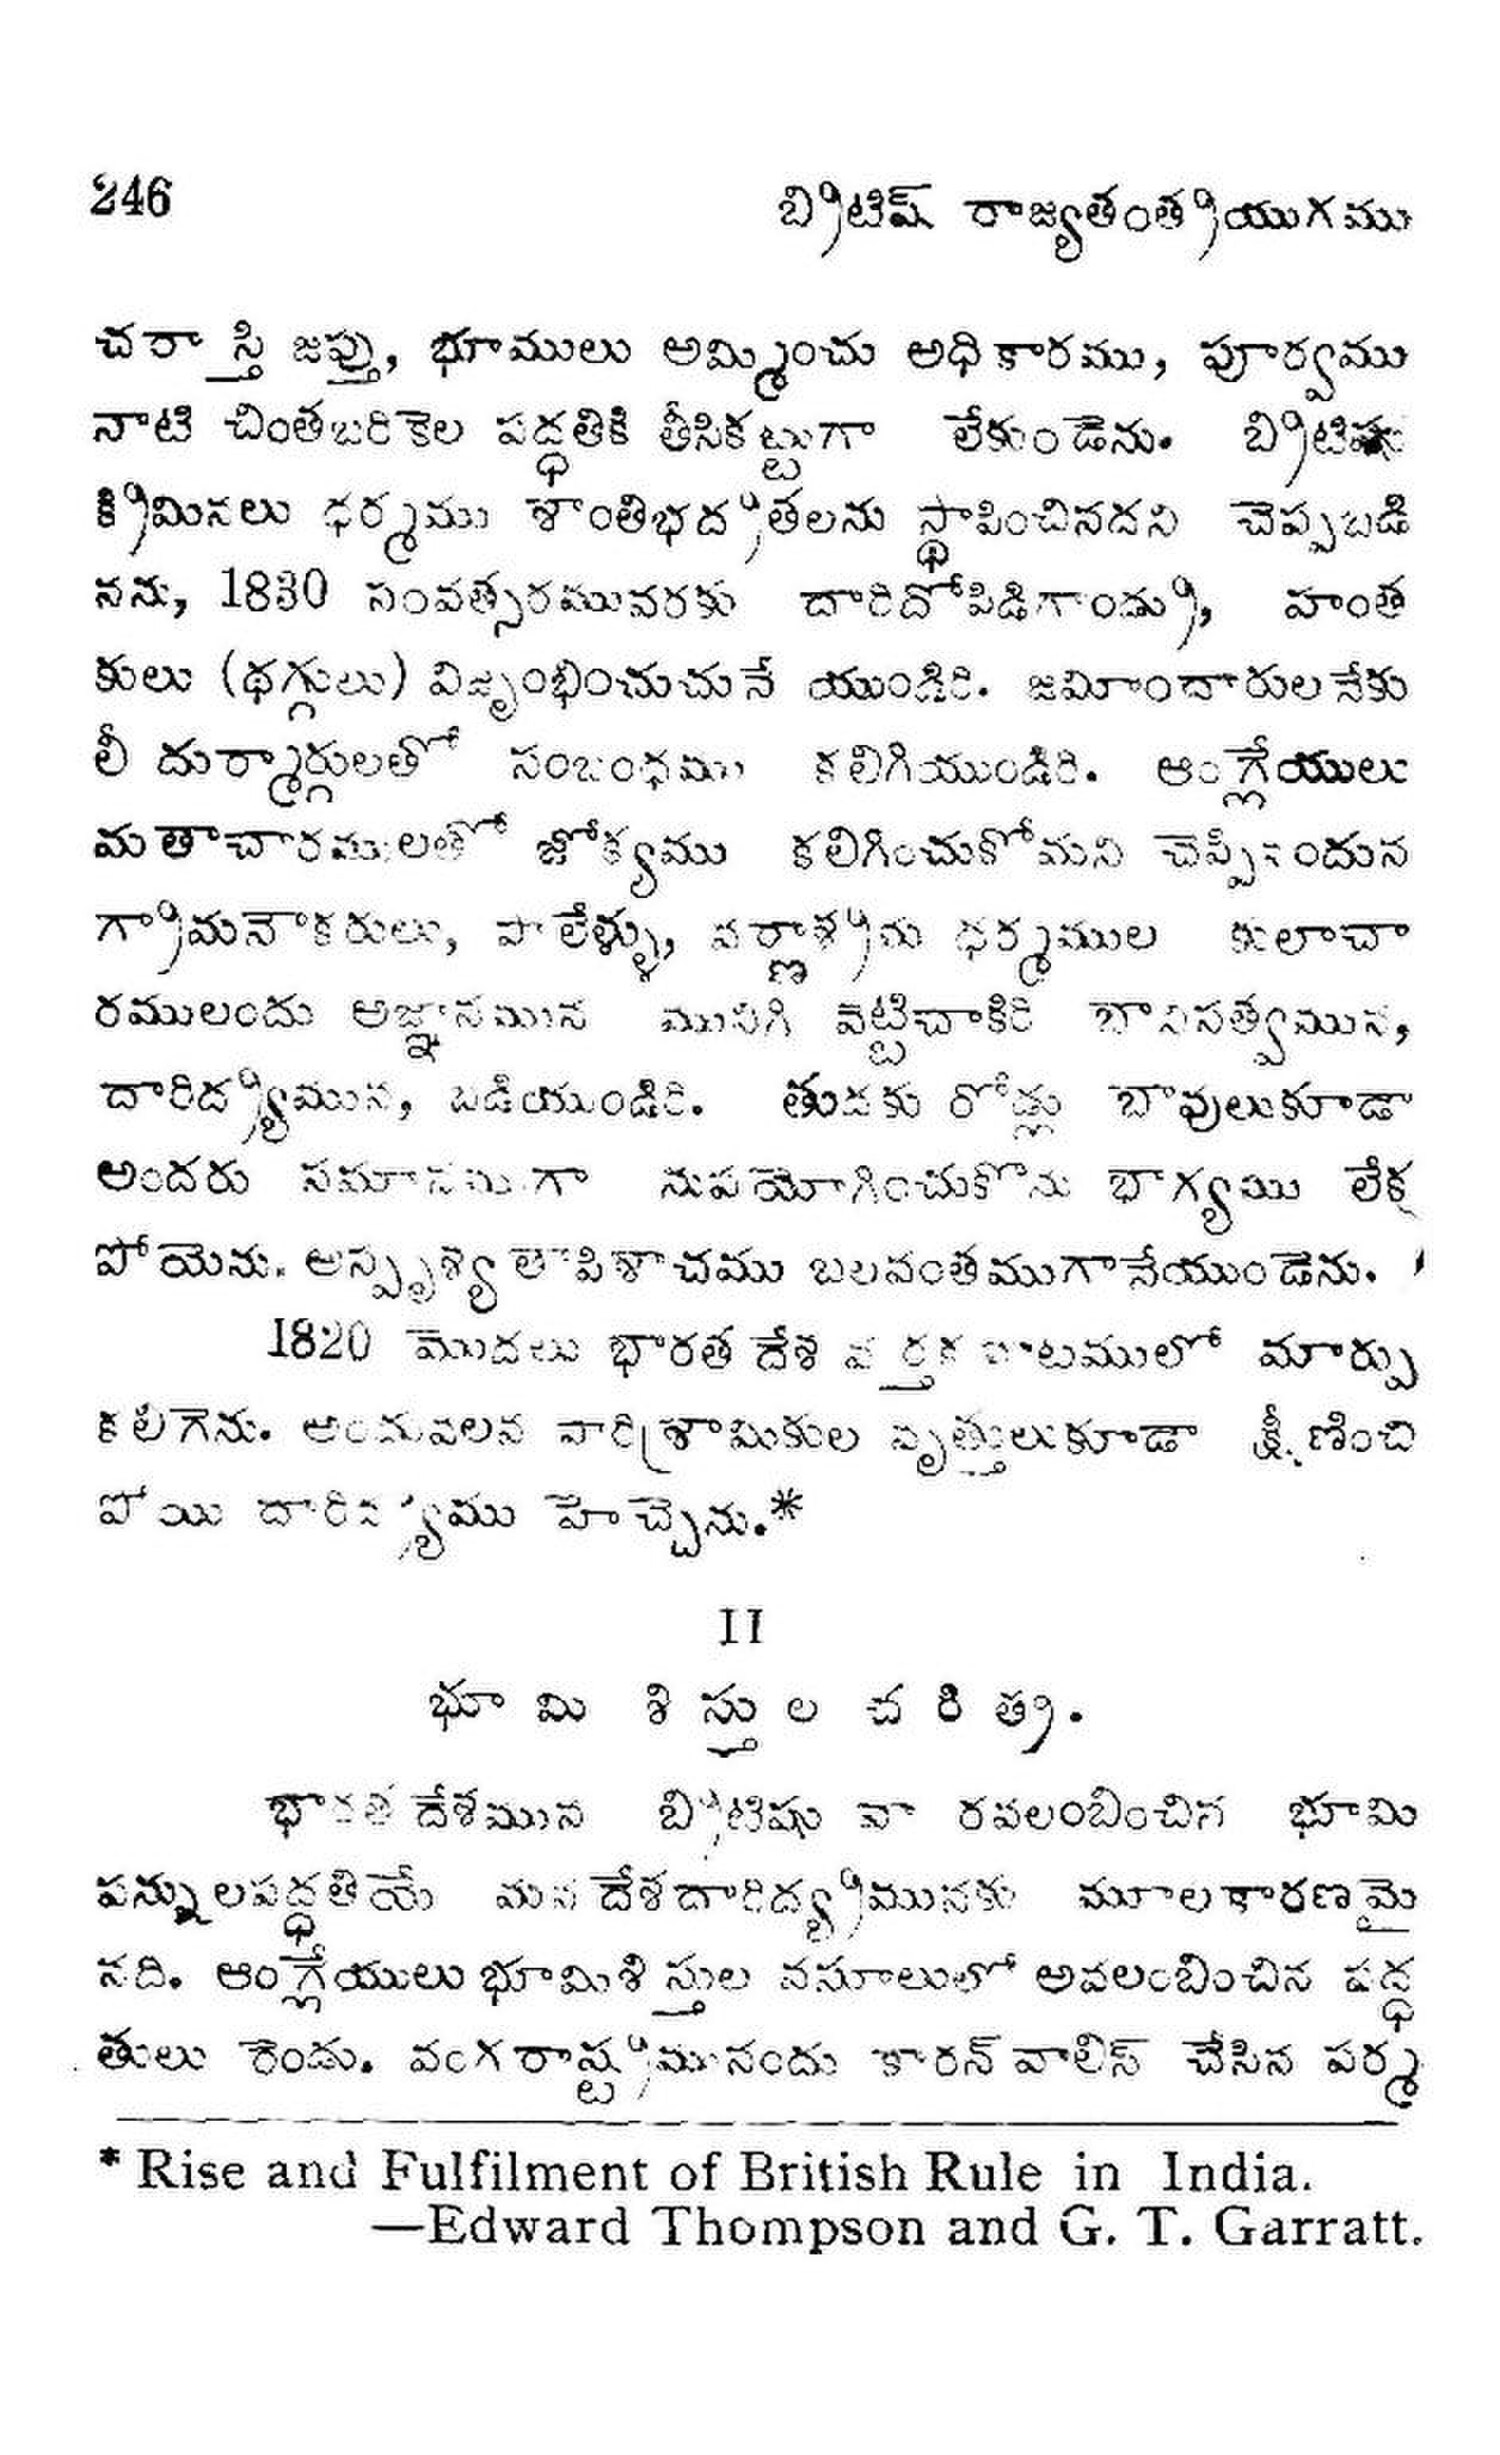చరాస్తి జప్తు, భూములు అమ్మించు అధికారము , పూర్వమునాటి చింతబరికెల పద్ధతికి తీసికట్టుగా లేకుండెను. బ్రిటిషు క్రిమినలు ధర్మము శాంతిభద్రతలను స్థాపించినదని చెప్పబడినను, 1830 సంవత్సరమువరకు దారిదోపిడిగాండ్రు, హంతకులు (థగ్గులు) విజృంభించుచునే యుండిరి. జమీందారులనేకు లీ దుర్మార్గులతో సంబంధము కలిగియుండిరి. ఆంగ్లేయులు మతాచారములతో జోక్యము కలిగించుకోమని చెప్పినందున గ్రామనౌకరులు, పాలేళ్ళు, వర్ణాశ్రమ ధర్మముల కులాచారములందు అజ్ఞానమున మునిగి వెట్టిచాకిరి బానిసత్వమున, దారిద్ర్యమున, బడియుండిరి. తుదకు రోడ్లు బావులుకూడా అందరు సమానముగా సుపయోగించుకొను భాగ్యము లేక పోయెను. అస్పృశ్యతాపిశాచము బలవంతముగానేయుండెను.

1820 మొదలు భారతదేశ వర్తకవాటములో మార్పు కలిగెను. అందువలన పారిశ్రామికుల వృత్తులుకూడా క్షీణించిపోయి దారిద్ర్యము హెచ్చెను.

II 
భూమి శిస్తుల చరిత్ర.

భారతదేశమున బ్రిటిషు వా రవలంబించిన భూమిపన్నులపద్దతియే మనదేశదారిద్ర్యమునకు మూలకారణమైనది. ఆంగ్లేయులు భూమిశిస్తుల వసూలులో అవలంబించిన పద్ధతులు రెండు. వంగరాష్ట్రమునందు కారన్‌వాలిస్ చేసిన పర్మ